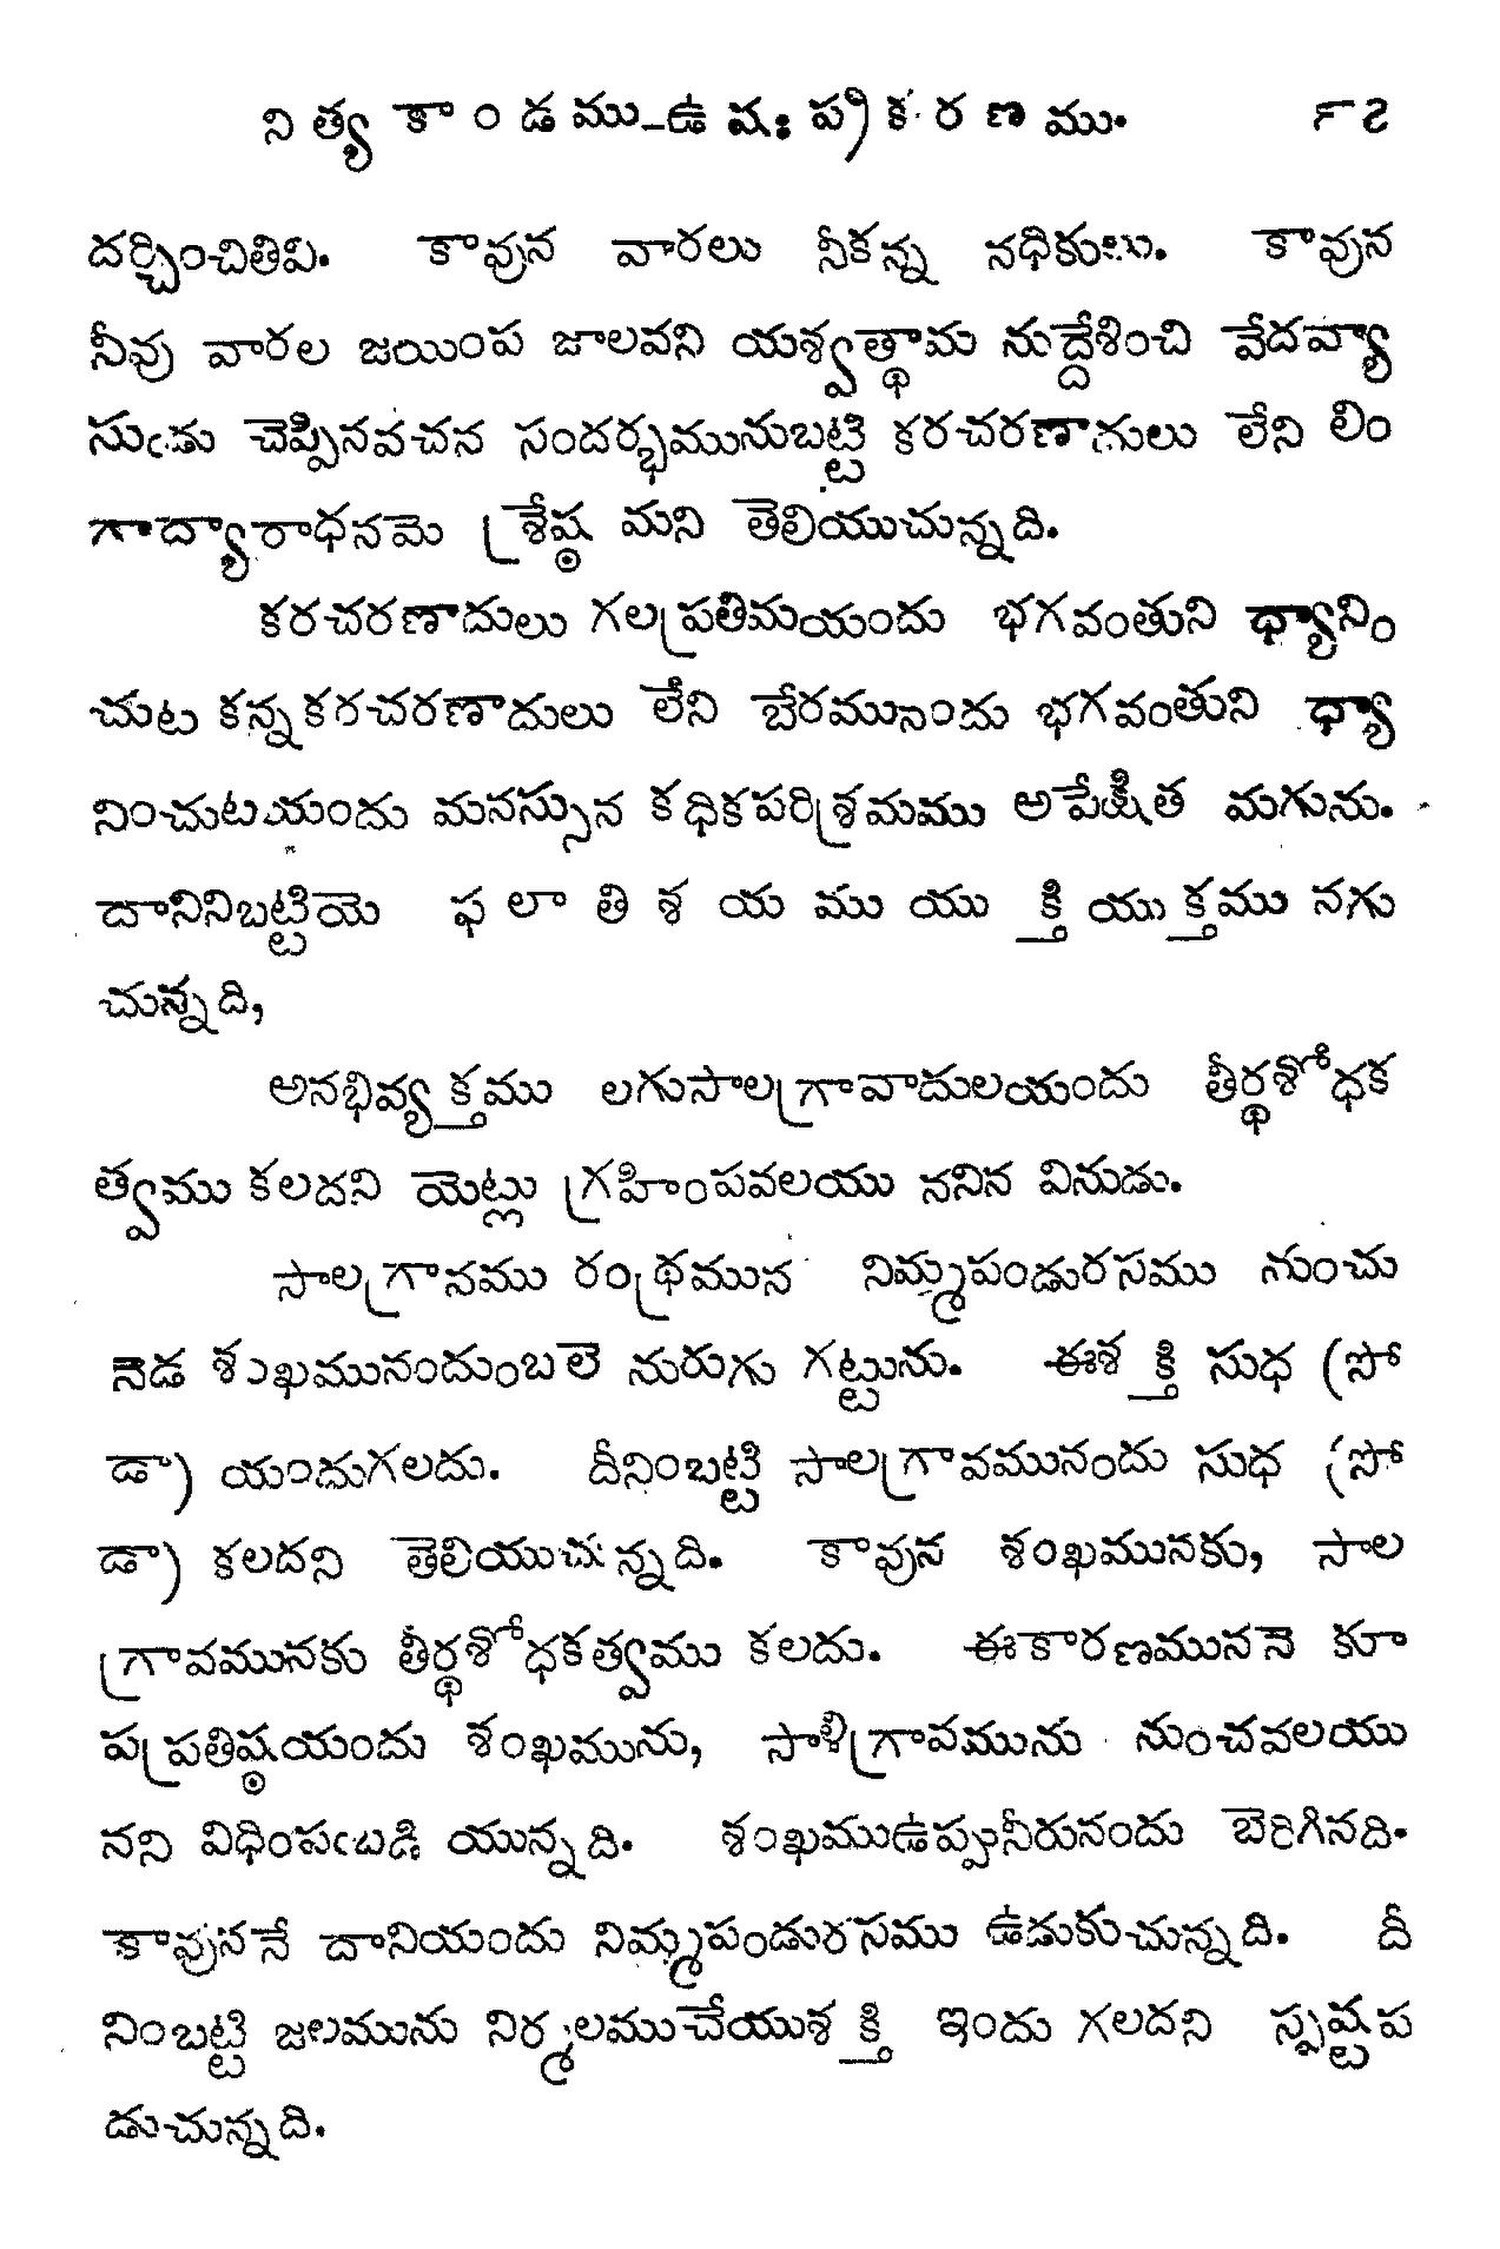దర్చించితివి. కావున వారలు నీకన్న నధికులు. కావున నీవు వారల జయింప జాలవని యశ్వత్థామ నుద్దేశించి వేదవ్యాసుఁడు చెప్పినవచన సందర్భమునుబట్టి కరచరణాదులు లేని లింగాద్యారాధనమె శ్రేష్ఠ మని తెలియుచున్నది.

కరచరణాదులు గల ప్రతిమయందు భగవంతుని ధ్యానించుట కన్నకరచరణాదులు లేని బేరమునందు భగవంతుని ధ్యానించుటయందు మనస్సున కధికపరిశ్రమము అపేక్షిత మగును. దానినిబట్టియె ఫలాతిశయము యుక్తి యుక్తము నగు చున్నది.

అనభివ్యక్తము లగుసాలగ్రావాదులయందు తీర్థశోధకత్వము కలదని యెట్లు గ్రహింపవలయు ననిన వినుడు.

సాలగ్రావము రంథ్రమున నిమ్మపండురసము నుంచునెడ శంఖమునందుంబలె నురుగు గట్టును. ఈశక్తి సుధ (సోడా) యందుగలదు. దీనింబట్టి సాలగ్రావమునందు సుధ (సోడా) కలదని తెలియుచున్నది. కావున శంఖమునకు, సాలగ్రావమునకు తీర్థశోధకత్వము కలదు. ఈకారణముననె కూపప్రతిష్ఠయందు శంఖమును, సాళిగ్రావమును నుంచవలయునని విధింపఁబడి యున్నది. శంఖముఉప్పునీరునందు బెరిగినది. కావుననే దానియందు నిమ్మపండురసము ఉడుకుచున్నది. దీనింబట్టి జలమును నిర్మలముచేయుశక్తి ఇందు గలదని స్పష్టపడుచున్నది.